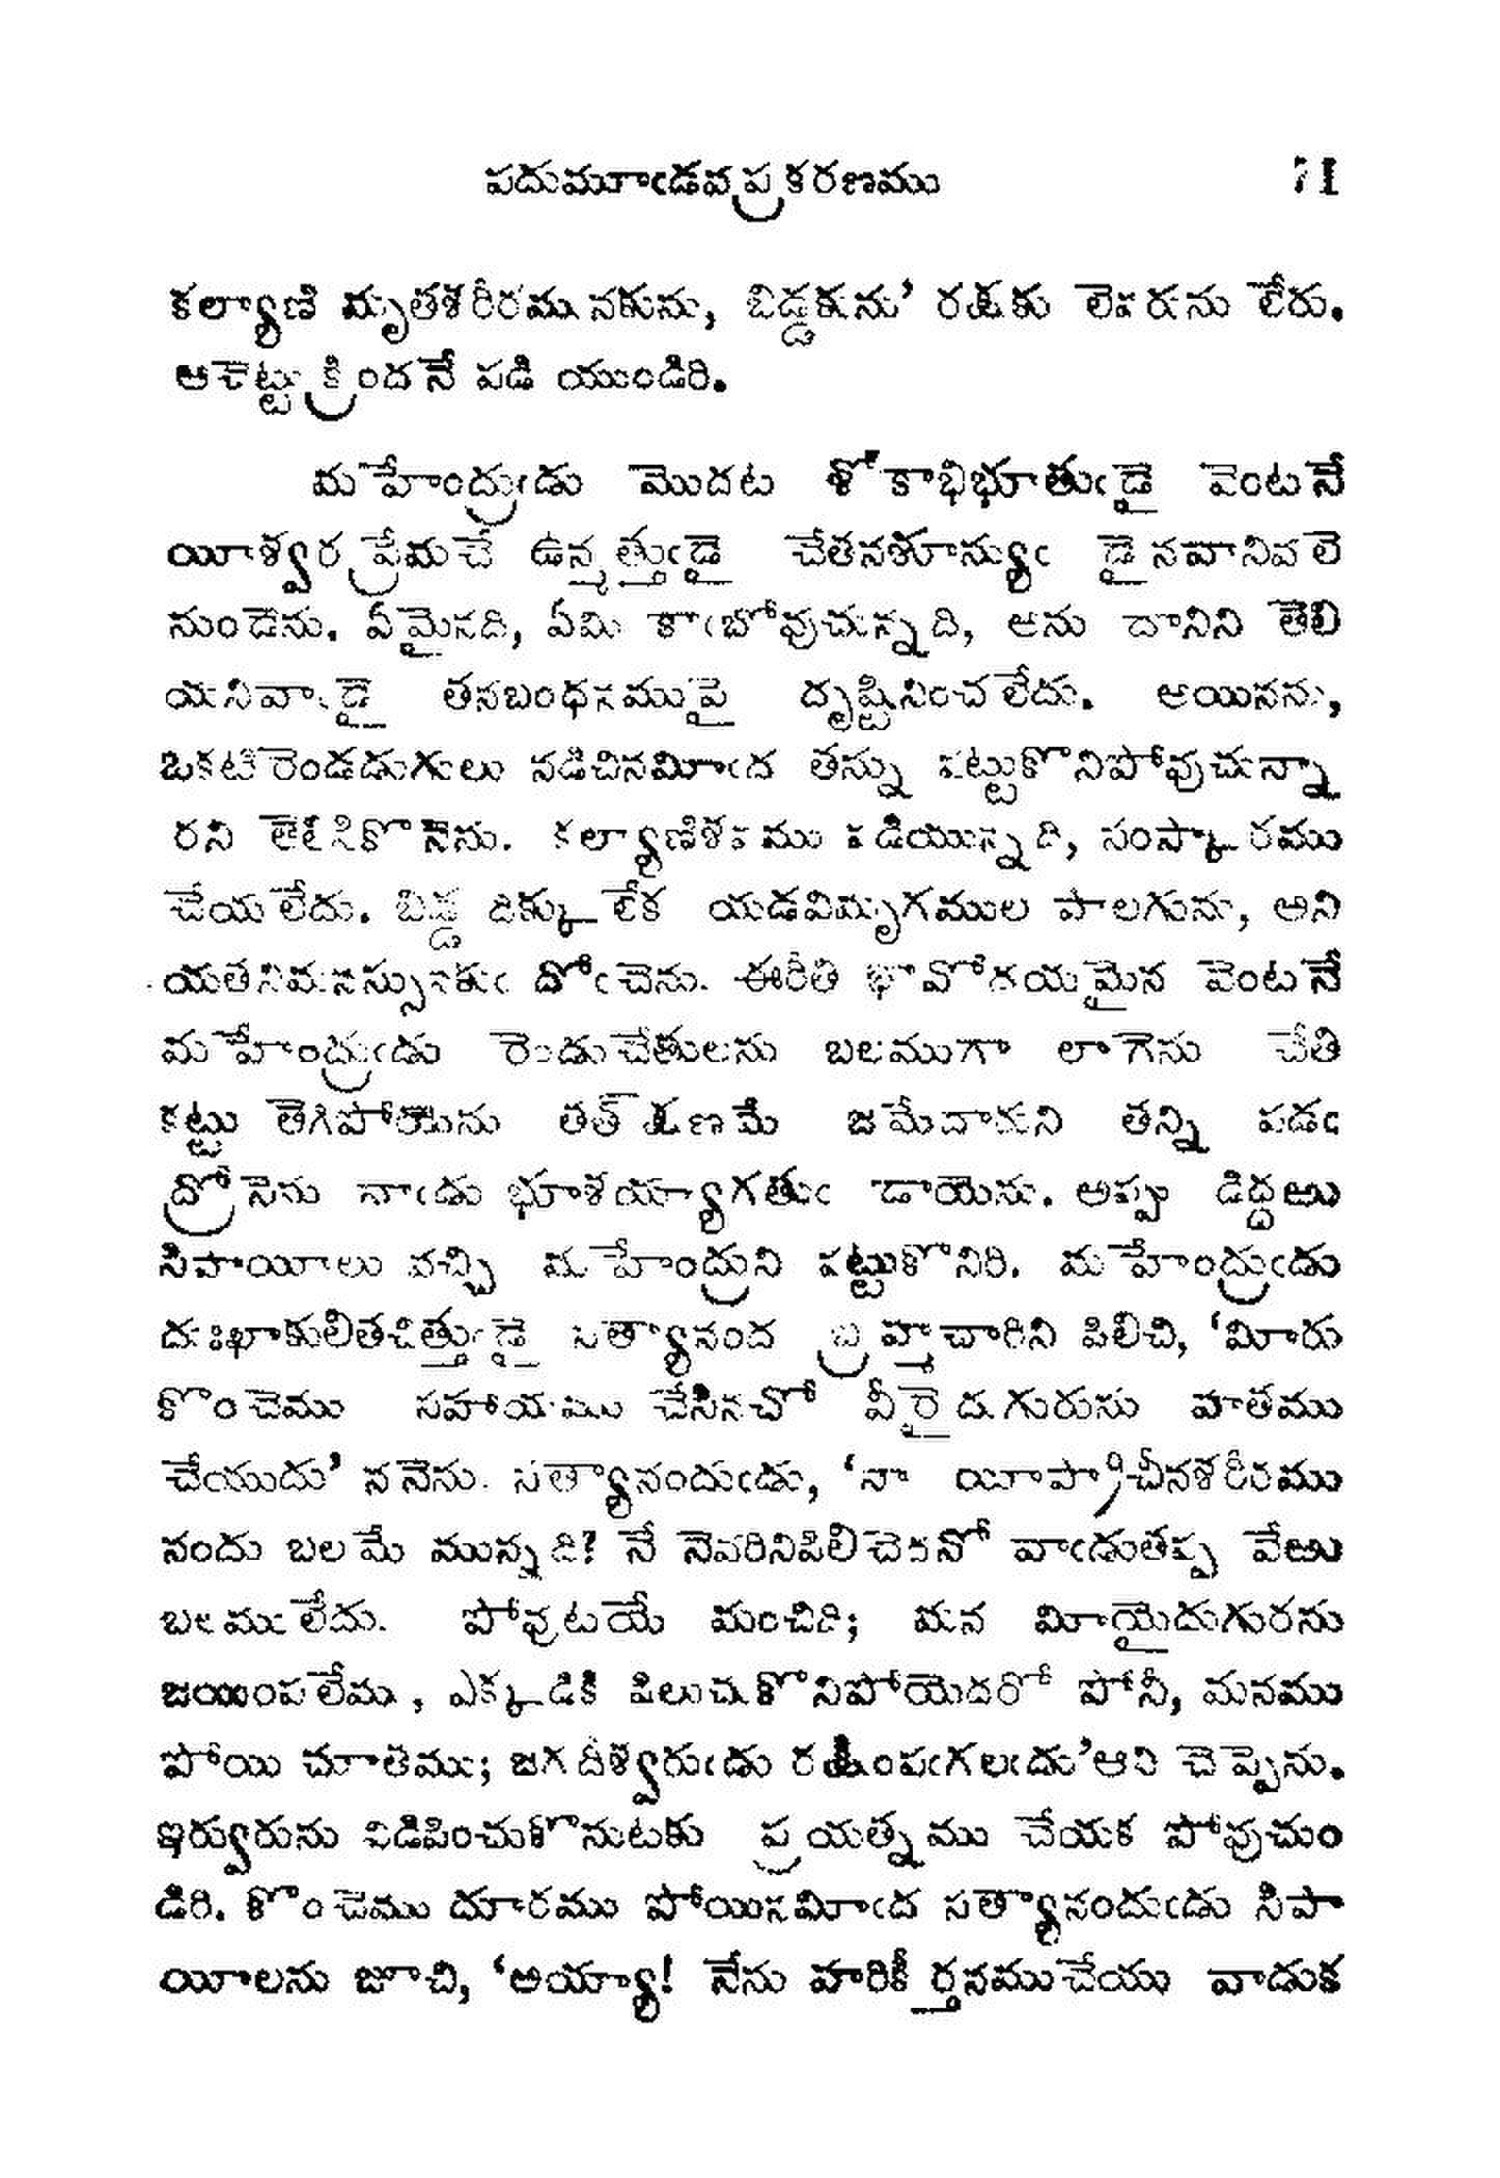కల్యాణి మృతశరీరమునకును, జిడ్డకును' రక్షకు లెవరును లేరు. ఆచెట్టు క్రిందనే పడి యుండిరి.

మహేంద్రుడు మొదట శోకాభిభూతుఁడై వెంటనే యీశ్వర ప్రేమచే ఉన్నత్తుఁడై చేతనశూన్యుం డైనవానివలె నుండెను, ఏమైనది, ఏమి కాఁబోవుచున్నది, అను దానిని తెలియనివాడై తనబంధనముపై దృష్టినించ లేదు. అయినను, ఒకటి రెండడుగులు నడిచినమీఁద తన్ను పట్టుకొనిపోవుచున్నారని తెలిసికోనెను. కల్యాణిశవము పడియున్నది, సంస్కారము చేయలేదు. బిడ్డ దిక్కు లేక యడవిమృగముల పాలగును, అని యతనిమనస్సునకుఁ దోఁచెను. ఈరీతి భావోదయమైన వెంటనే మహేంద్రుఁడు రెండు చేతులను బలముగా లాగెను
కట్టు తెగిపోయెను తత్ క్షణమే జమేదారుని తన్ని పడంద్రోసెను నాఁడు భూశయ్యాగతుఁ డాయెను. అప్పుడిద్దఱు సిపాయీలు వచ్చి మహేంద్రుని పట్టుకొనిరి. మహేంద్రుఁడు దుఖాకులిత చిత్తుఁడై సత్యానంద బ్రహ్మచారిని పిలిచి, 'మీరు కొంచెము సహాయము చేసినచో వీరైదుగురుసు హతము చేయుదు' ననెను. సత్యానందుఁడు, 'నా యీప్రాచీనశరీరము నందు బలమే మున్నది? నే నెవరినిపిలి చెరనో వాఁడుతప్ప వేఱు బలము లేదు. పోవుటయే మంచిది; మన మీయైదుగురను జయింపలేము, ఎక్కడికి పిలుచుకోనిపోయెదరో పోనీ, మనము
పోయి చూతము; జగదీశ్వరుఁడు రక్షింపఁగలఁడు అని చెప్పెను. ఇర్వురును విడిపించుకొనుటకు ప్రయత్నము చేయక పోవుచుండిరి. కొంచెము దూరము పోయిన మీఁద సత్యానందుఁడు సిపాయీలను జూచి, 'అయ్యా! నేను హరికీర్తనము చేయు వాడుక